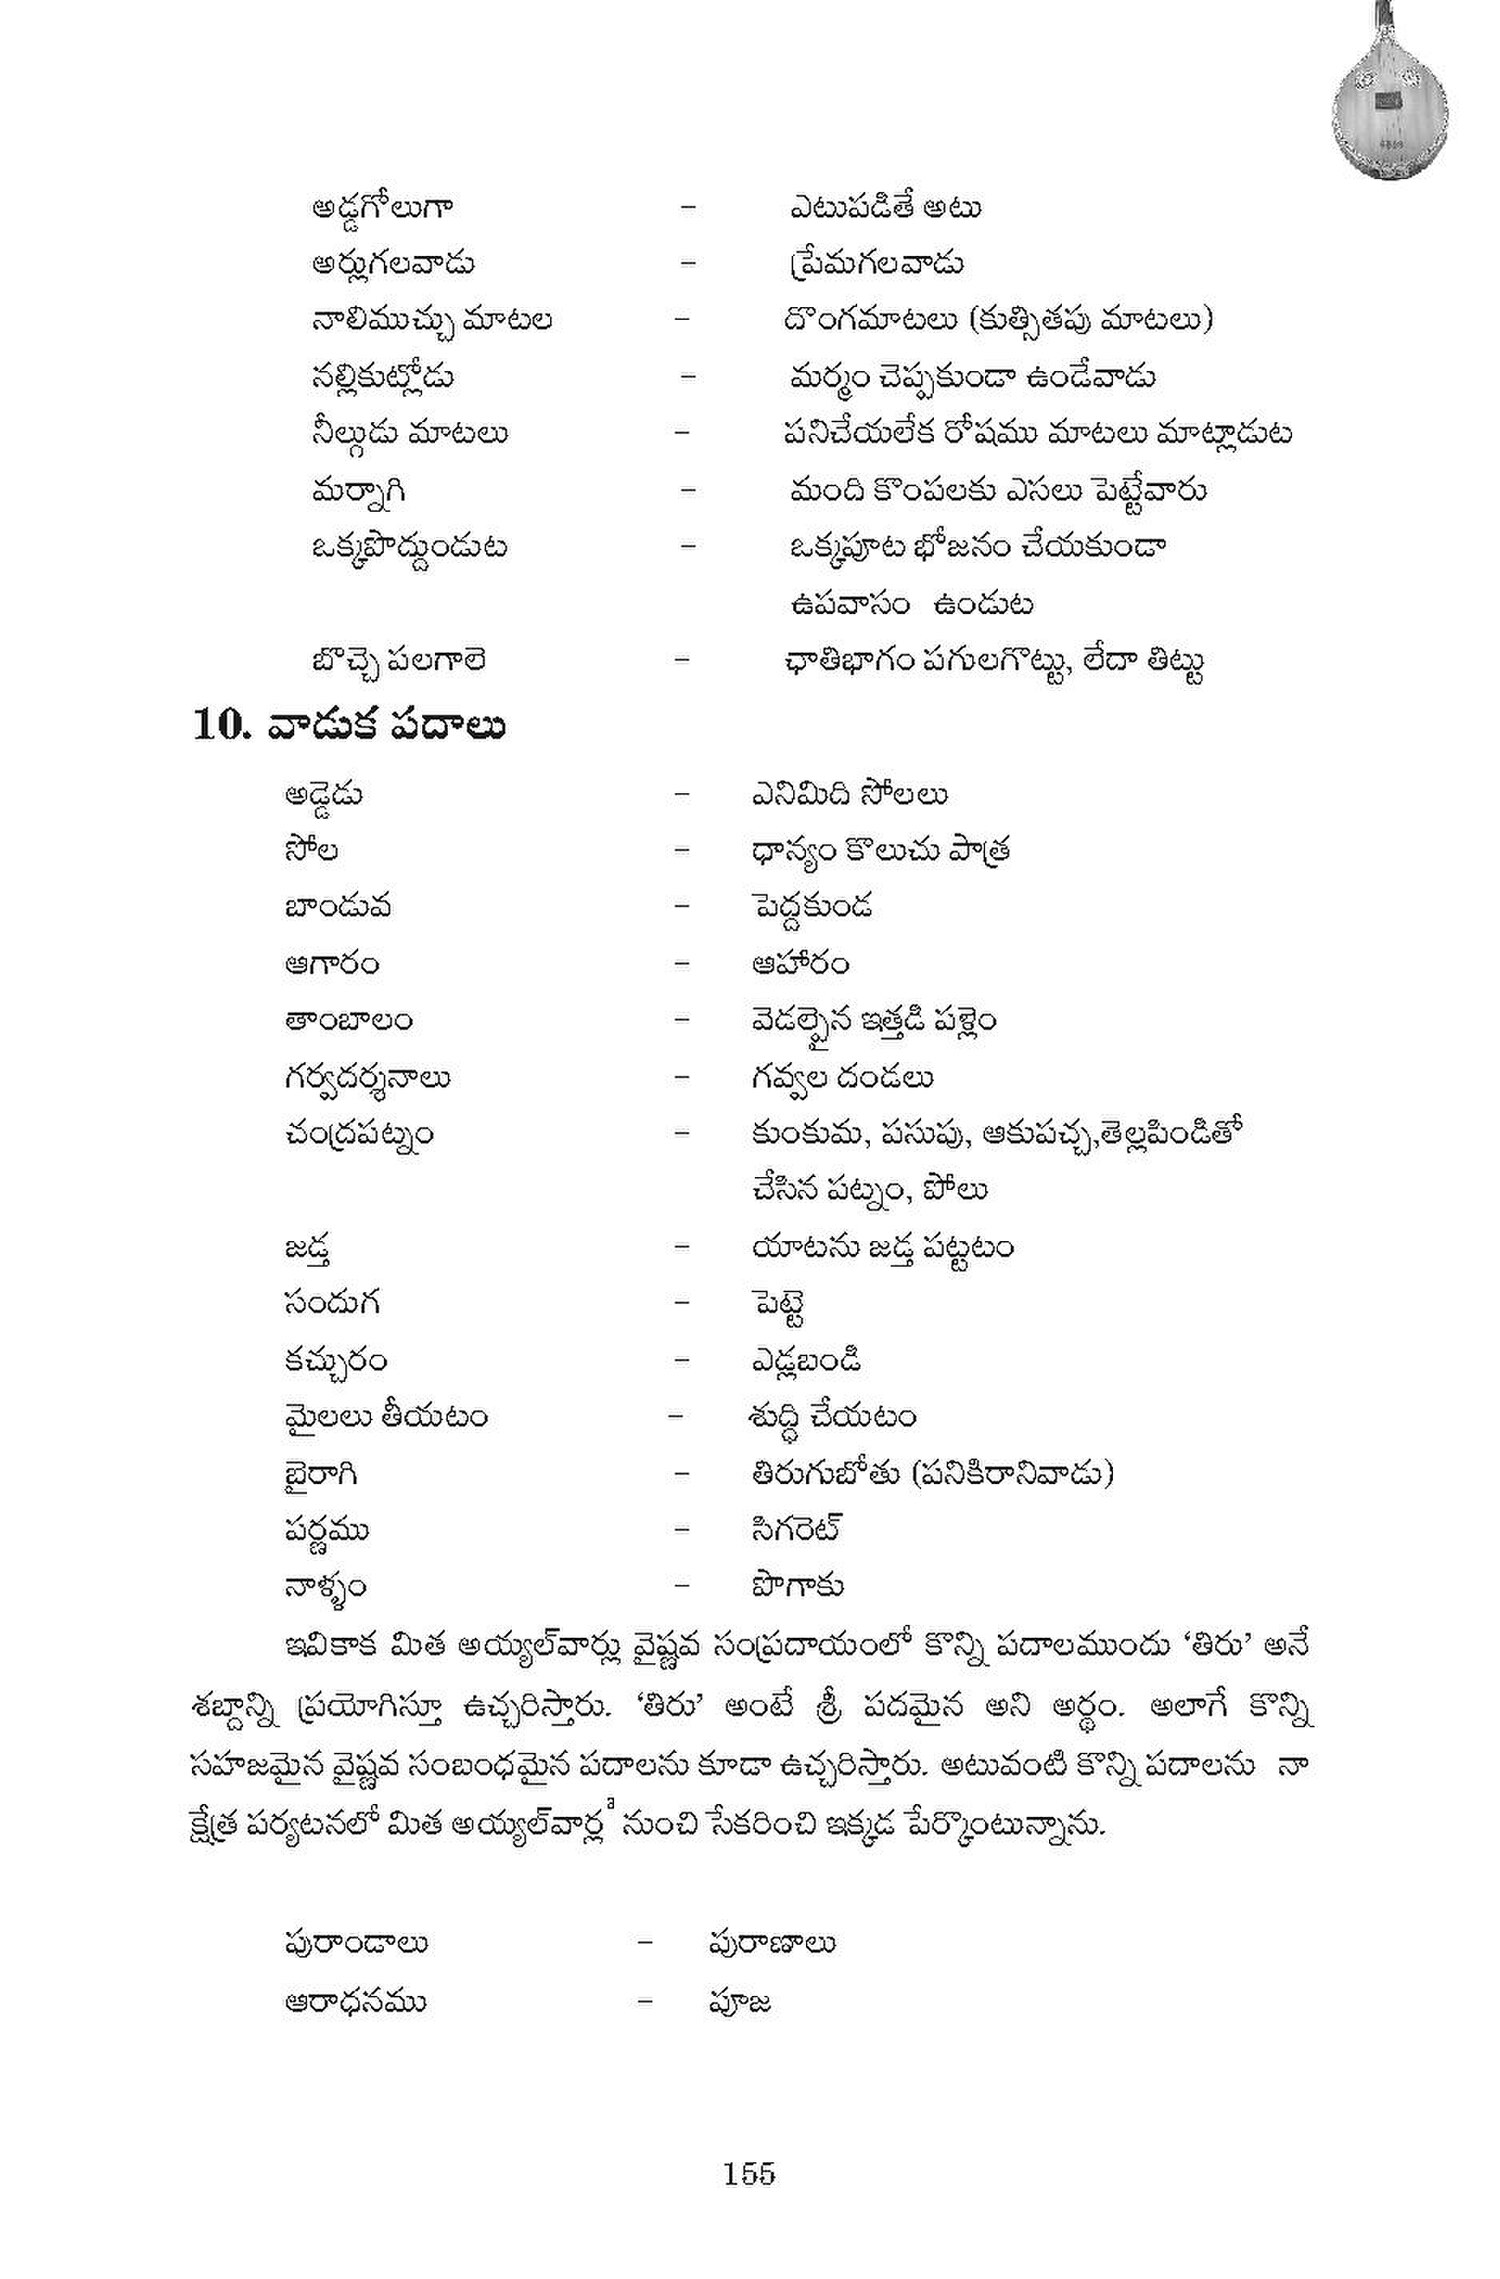+ అడ్డగోలుగా ఎటుపడితే అటు అర్లుగలవాడు ప్రేమగలవాడు నాలిముచ్చు మాటల దొంగమాటలు (కుత్సితపు మాటలు) నల్లికుట్లోడు మర్మం చెప్పకుండా ఉండేవాడు నీల్గుడు మాటలు పనిచేయలేక రోషము మాటలు మాట్లాడుట మర్నాగి మంది కొంపలకు ఎసలు పెట్టేవారు ఒక్కపొద్దుండుట ఒక్కపూట భోజనం చేయకుండా ఉపవాసం ఉండుట బొచ్చె పలగాలె ఛాతిభాగం పగులగొట్టు, లేదా తిట్టు

10. వాడుక పదాలు 
+ అడ్డెడు ఎనిమిది సోలలు సోల ధాన్యం కొలుచు పాత్ర బాండువ పెద్దకుండ అగారం ఆహారం తాంబాలం వెడల్పైన ఇత్తడి పళ్లెం గర్వదర్శనాలు గవ్వల దండలు చంద్రపట్నం కుంకుమ, పసుపు, ఆకుపచ్చ, తెల్లపిండితో చేసిన పట్నం, పోలు జడ్త యాటను జడ్డ పట్టటం సందుగ పెట్టె కచ్చురం ఎడ్లబండి మైలలు తీయటం శుద్ది చేయటం బైరాగి తిరుగుబోతు (పనికిరానివాడు) పర్ణము సిగరెట్ నాళ్ళం పొగాకు

ఇవికాక మిత అయ్యల్వార్లు వైష్ణవ సంప్రదాయంలో కొన్ని పదాలముందు 'తిరు' అనే శబ్దాన్ని ప్రయోగిస్తూ ఉచ్చరిస్తారు. 'తిరు' అంటే శ్రీ పదమైన అని అర్థం. అలాగే కొన్ని సహజమైన వైష్ణవ సంబంధమైన పదాలను కూడా ఉచ్చరిస్తారు. అటువంటి కొన్ని పదాలను నా క్షేత్ర పర్యటనలో మిత అయ్యల్వార్ల2 నుంచి సేకరించి ఇక్కడ పేర్కొంటున్నాను.
+ పురాండాలు పురాణాలు ఆరాధనము పూజ